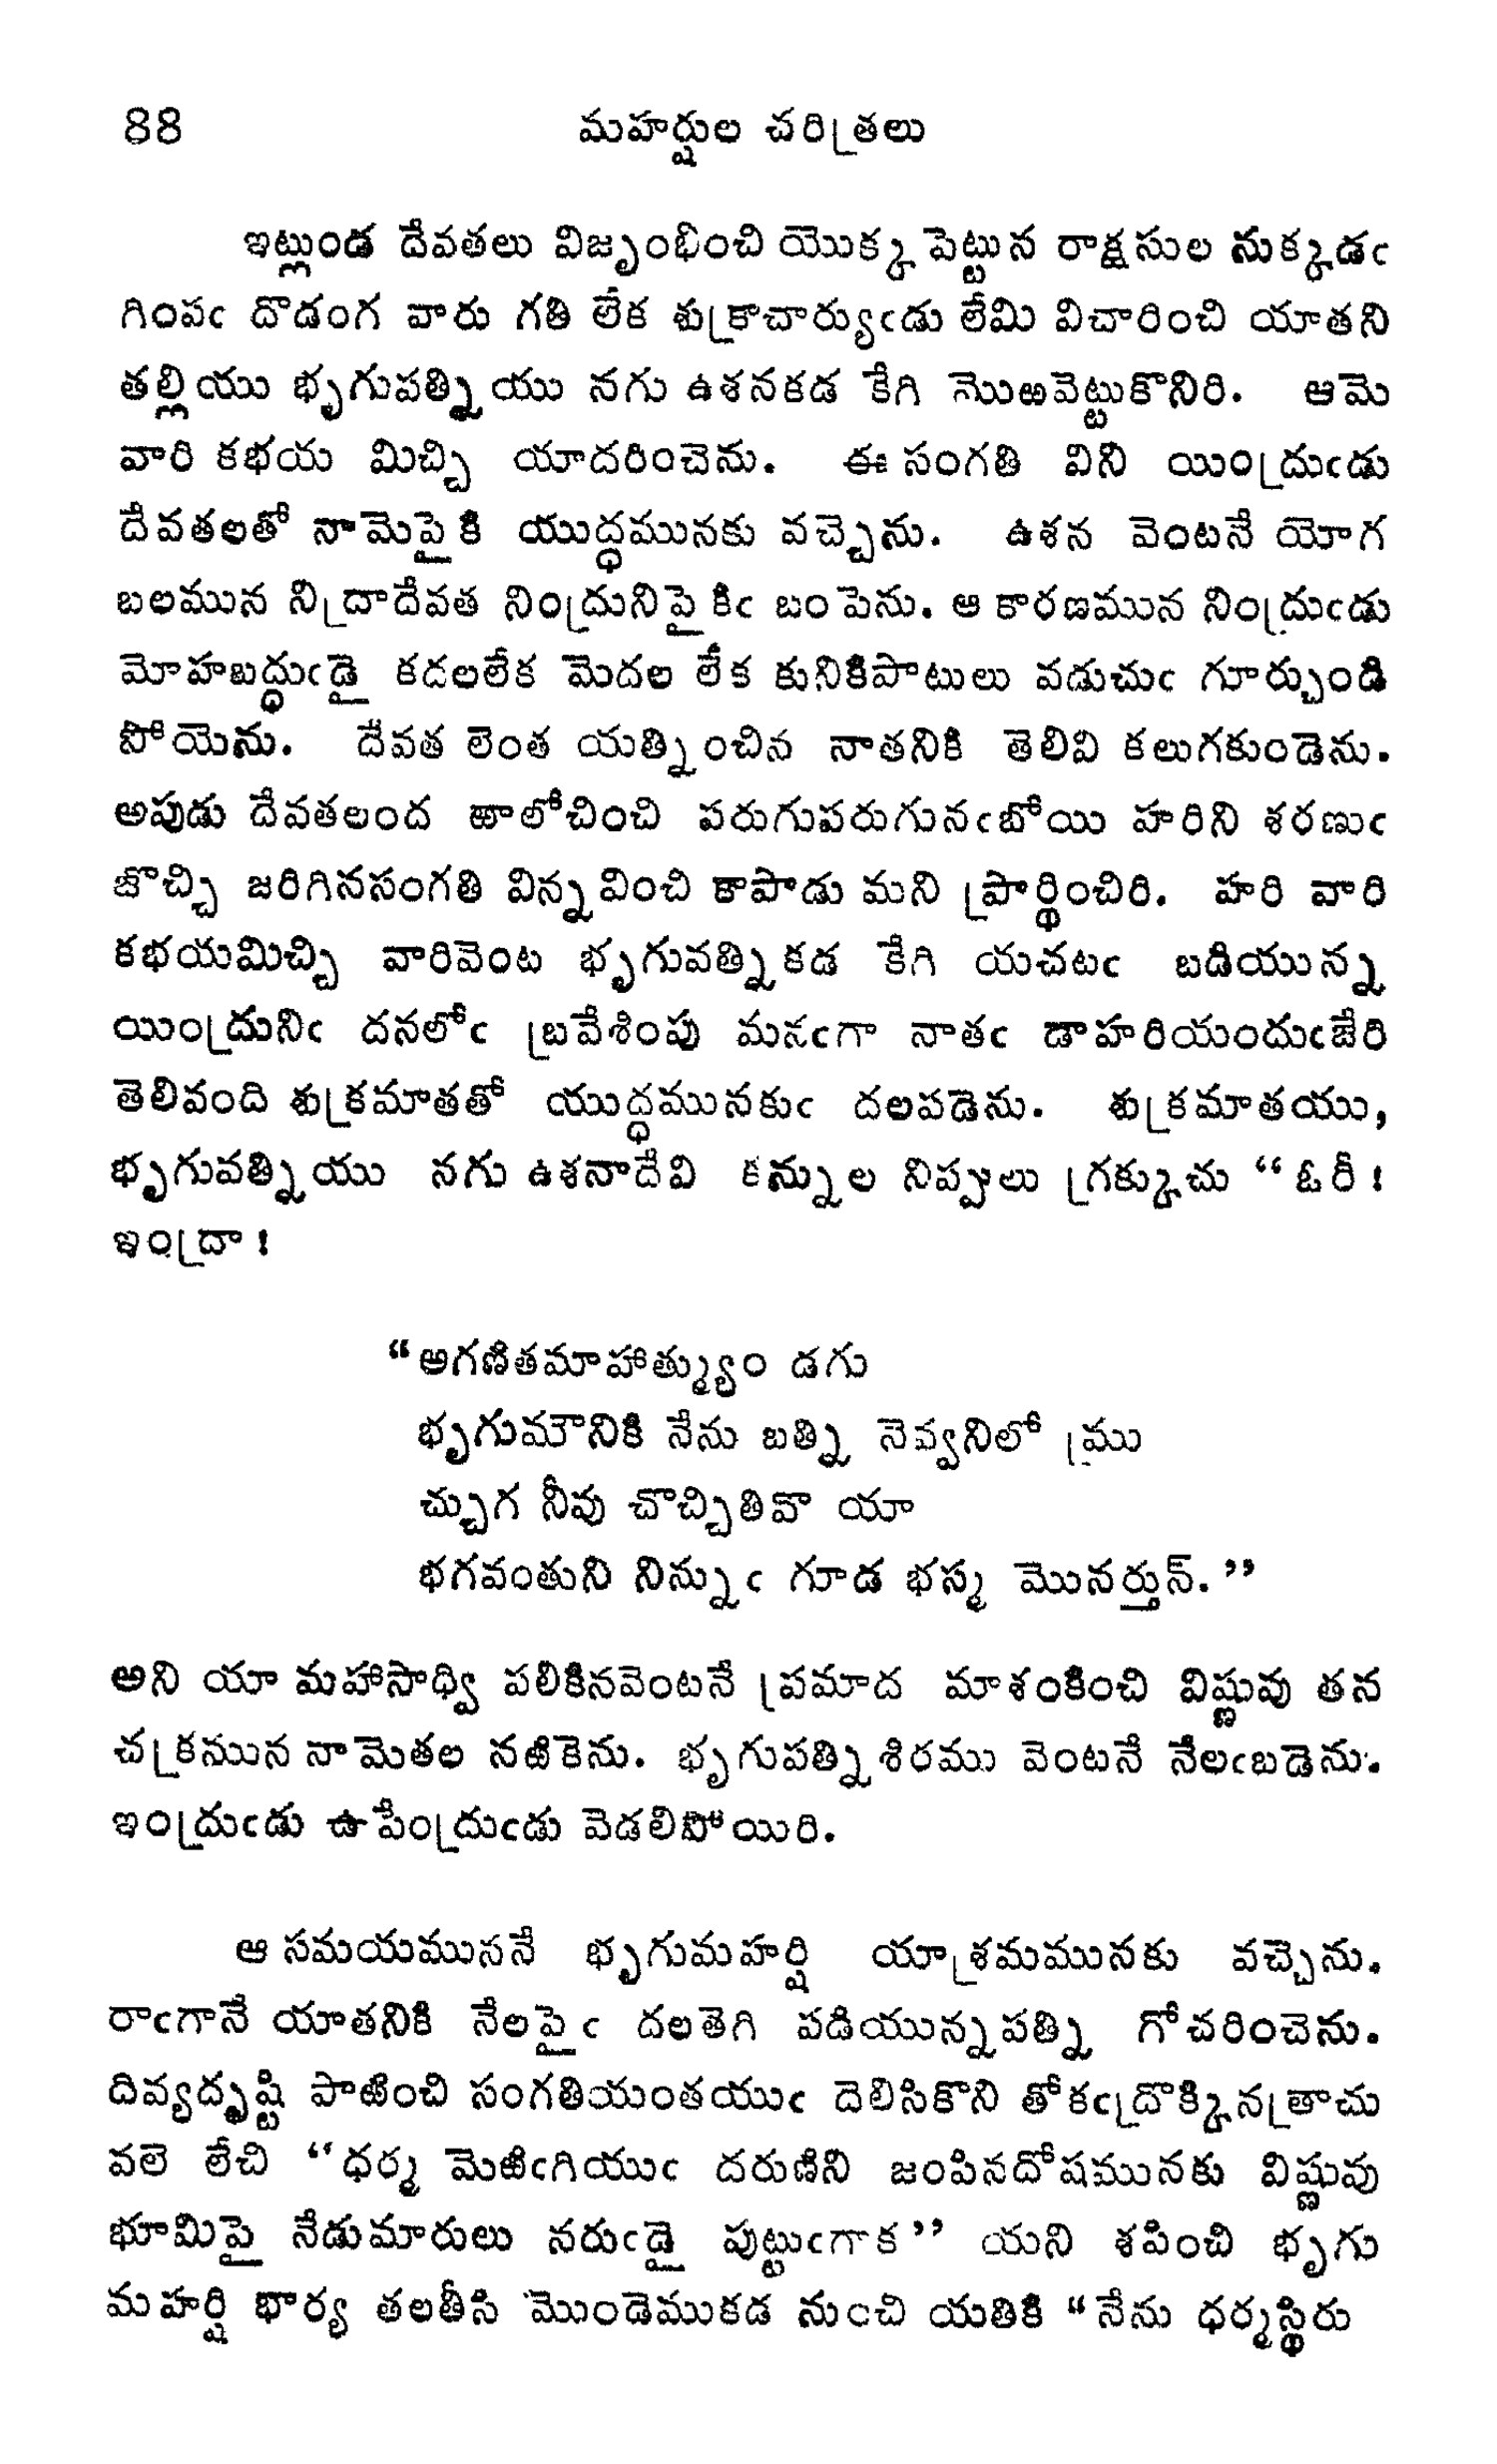ఇట్లుండ దేవతలు విజృంభించి యొక్క పెట్టున రాక్షసుల నుక్కడఁ గింపఁ దొడంగ వారు గతి లేక శుక్రాచార్యుఁడు లేమి విచారించి యాతని తల్లియు భృగుపత్నియు నగు ఉశనకడ కేగి మొఱపెట్టుకొనిరి. ఆమె వారి కభయ మిచ్చి యాదరించెను. ఈ సంగతి విని యింద్రుఁడు దేవతలతో నామెపై కి యుద్ధమునకు వచ్చెను. ఉశన వెంటనే యోగ బలమున నిద్రాదేవత నింద్రునిపై కిఁ బంపెను. ఆ కారణమున నింద్రుఁడు మోహబద్ధుఁడై కదలలేక మెదల లేక కునికిపాటులు పడుచుఁ గూర్చుండి పోయెను. దేవత లెంత యత్నించిన నాతనికి తెలివి కలుగకుండెను . అపుడు దేవతలంద ఱాలోచించి పరుగుపరుగునఁబోయి హరిని శరణుఁ జొచ్చి జరిగినసంగతి విన్నవించి కాపాడు మని ప్రార్థించిరి. హరి వారి కభయమిచ్చి వారివెంట భృగువత్నికడ కేగి యచటఁ బడియున్న యింద్రునిఁ దనలోఁ బ్రవేశింపు మనఁగా నాతఁ డాహరియందుఁజేరి తెలివంది శుక్రమాతతో యుద్ధమునకుఁ దలపడెను. శుక్రమాతయు, భృగువత్నియు నగు ఉశనాదేవి కన్నుల నిప్పులు గ్రక్కుచు “ఓరీ! ఇంద్రా!

“అగణితమాహాత్మ్యుం డగు 
 భృగుమౌనికి నేను బత్ని నెవ్వనిలో మ్రు 
 చ్చుగ నీవు చొచ్చితివొ యా
 భగవంతుని నిన్నుఁ గూడ భస్మ మొనర్తున్." 
అని యా మహాసాధ్వి పలికిన వెంటనే ప్రమాద మాశంకించి విష్ణువు తన చక్రమున నా మెతల నఱికెను. భృగుపత్ని శిరము వెంటనే నేలఁబడెను. ఇంద్రుఁడు ఉపేంద్రుఁడు వెడలిపోయిరి.

ఆ సమయముననే భృగుమహర్షి యాశ్రమమునకు వచ్చెను. రాఁగానే యాతనికి నేలపైఁ దలతెగి పడియున్నపత్ని గోచరించెను. దివ్యదృష్టి పాఱించి సంగతియంతయుఁ దెలిసికొని తోకఁదొక్కినత్రాచువలె లేచి “ధర్మ మెఱిఁగియుఁ దరుణిని జంపినదోషమునకు విష్ణువు భూమిపై నేడుమారులు నరుఁడై పుట్టుఁగాక ” యని శపించి భృగుమహర్షి భార్య తలతీసి మొండెముకడ నుంచీ యతికి " నేను ధర్మస్థిరు